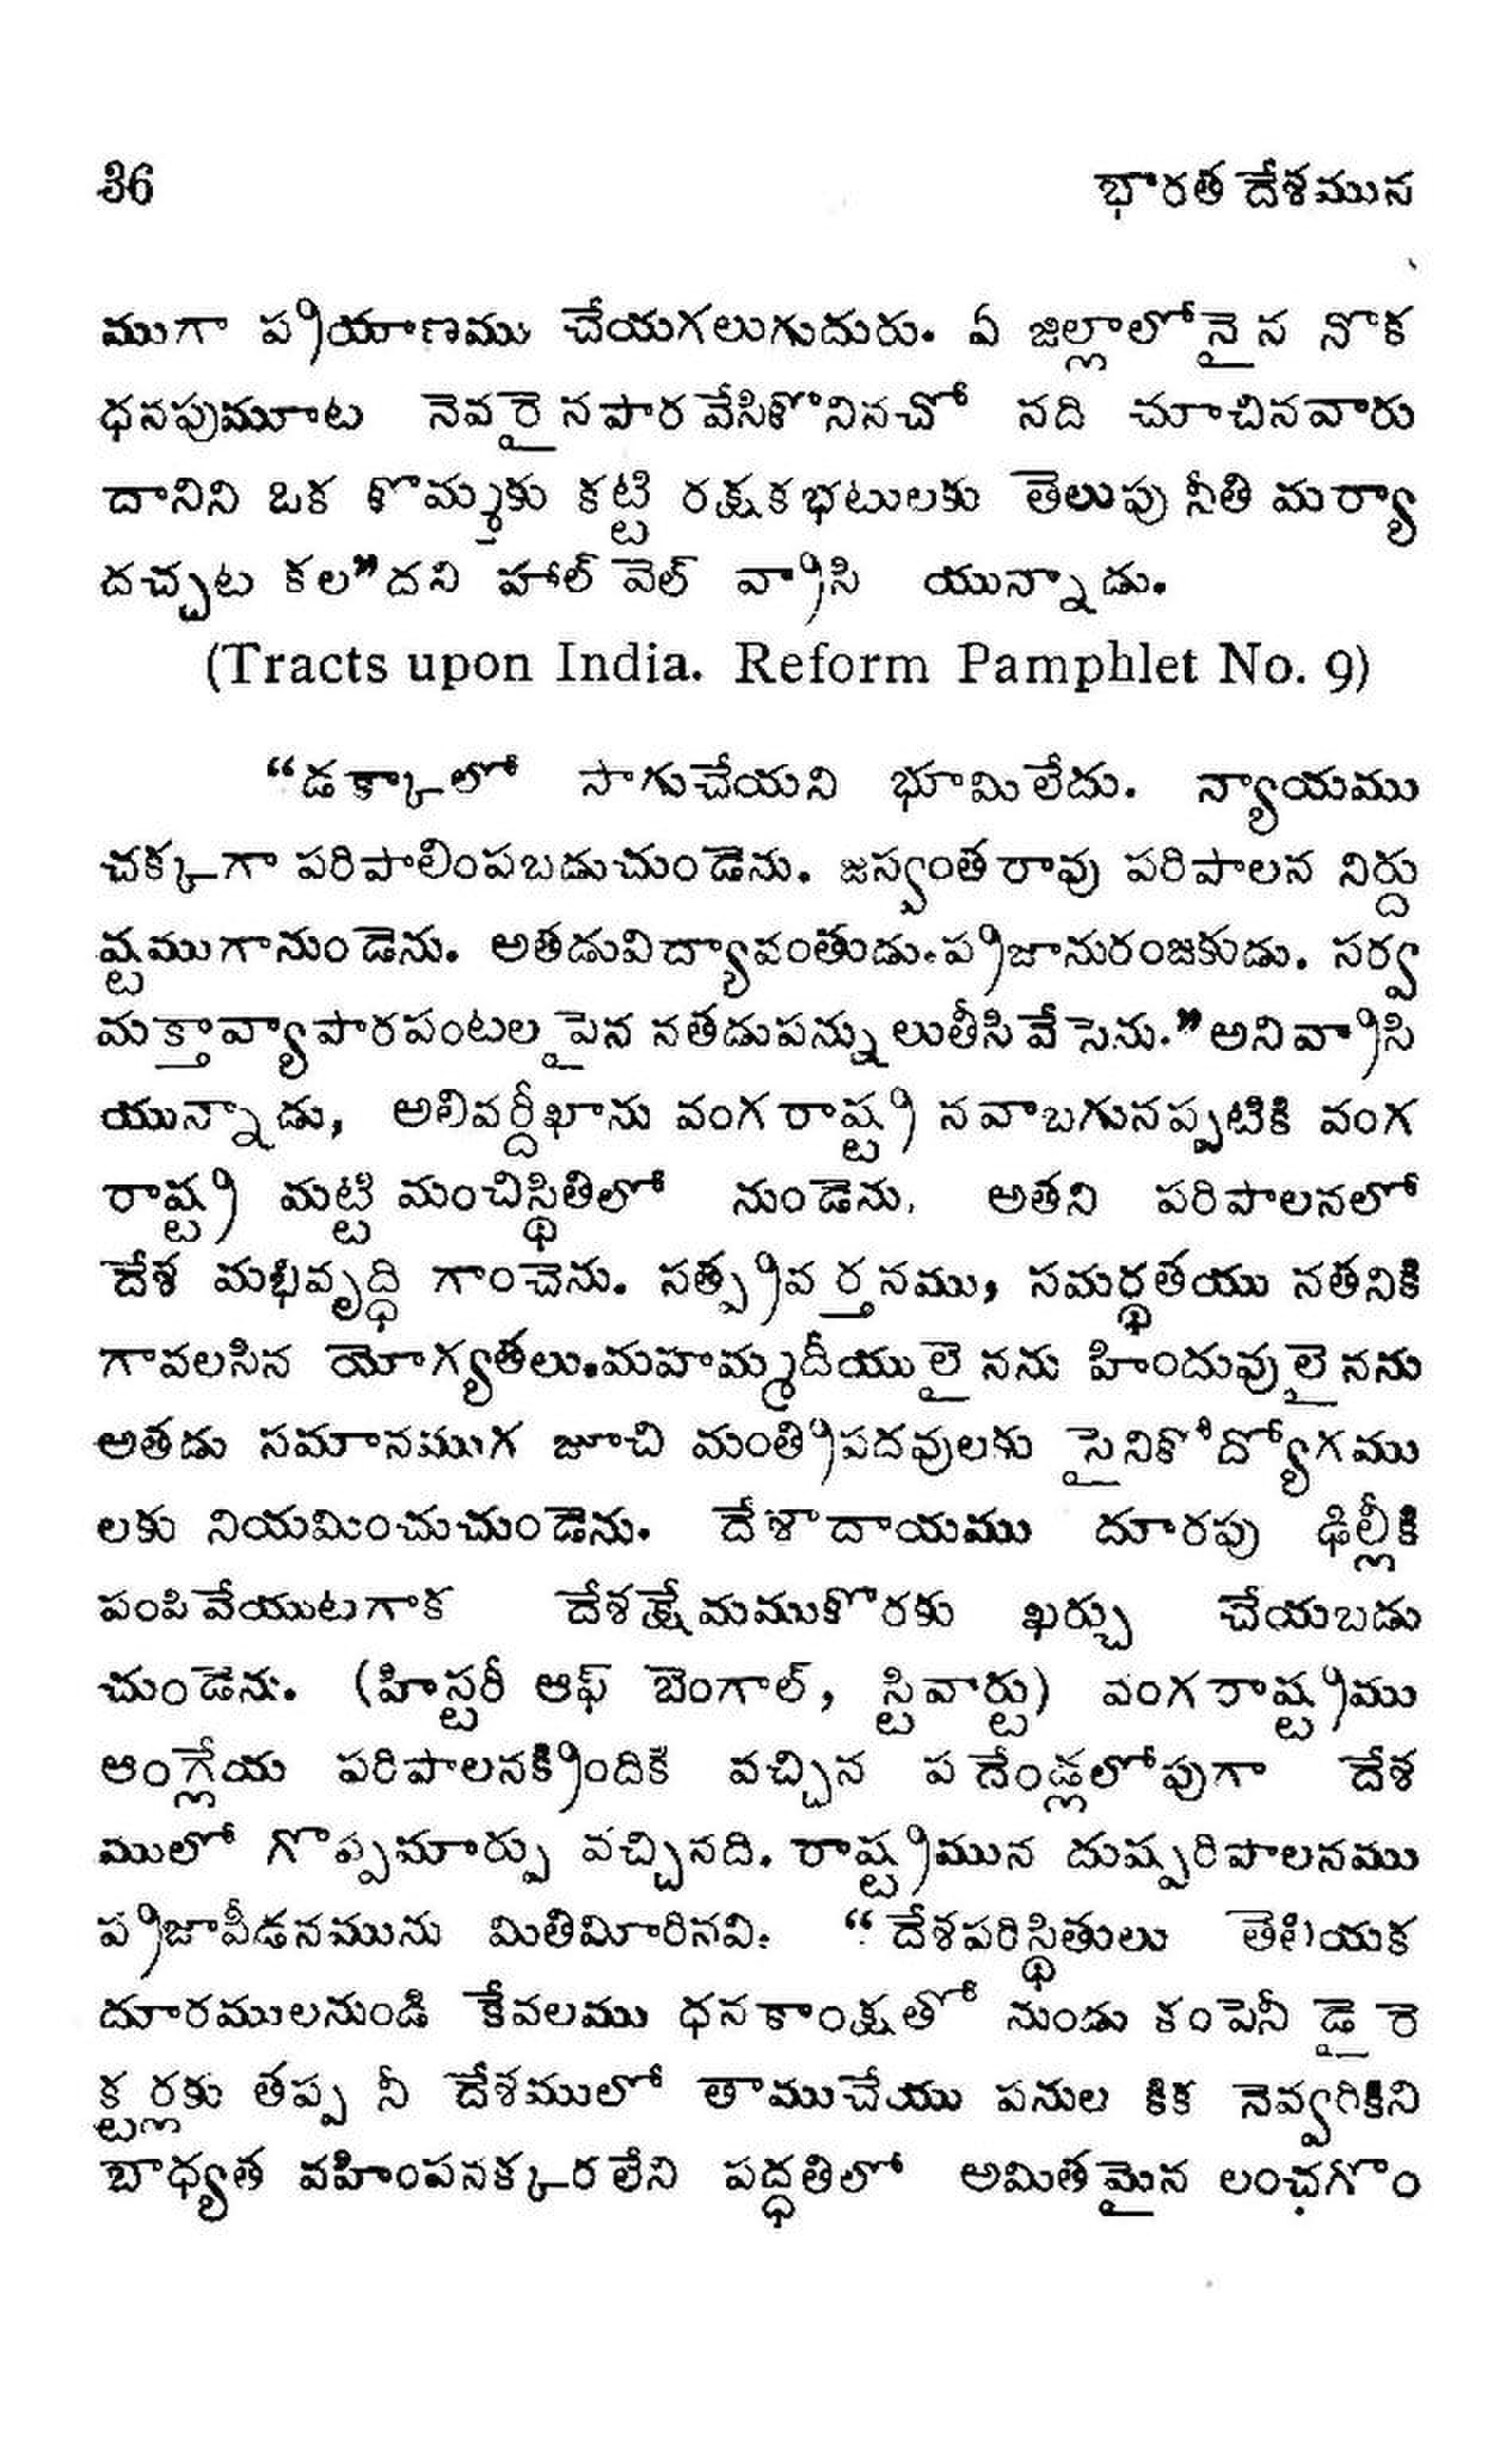ముగా ప్రయాణము చేయగలుగుదురు. ఏజిల్లాలోనైన నొక ధనపుమూట నెవరైనపారవేసికొనినచో నది చూచినవారు దానిని ఒక కొమ్మకు కట్టి రక్షకభటులకు తెలుపు నీతి మర్యాదచ్చట కల"దని హాల్ వెల్ వాసి యున్నాడు. 

“డక్కాలో సాగుచేయని భూమిలేదు. న్యాయము చక్కగా పరిపాలింపబడుచుండెను. జస్వంతరావు పరిపాలన నిర్దుష్టముగానుండెను. అతడు విద్యావంతుడు. ప్రజానురంజకుడు. సర్వమక్తావ్యాపారపంటలపైన నతడుపన్నులుతీసి వేసెను.” అనివ్రాసియున్నాడు, అలివర్దీఖాను వంగరాష్ట్ర నవాబగునప్పటికి వంగరాష్ట్ర మట్టి మంచిస్థితిలో నుండెను. అతని పరిపాలనలో 'దేశ మభివృద్ధి గాంచెను. సత్ప్రవర్తనము, సమర్థతయు నతనికి గావలసిన యోగ్యతలు.మహమ్మదీయు లైనను హిందువులైనను అతడు సమానముగ జూచి మంత్రి పదవులకు సైనికోద్యోగములకు నియమించుచుండెను. దేశాదాయము దూరపు ఢిల్లీకి పంపివేయుటగాక దేశక్షేమముకొరకు ఖర్చు చేయబడుచుండెను. (హిస్టరీ ఆఫ్ బెంగాల్ , స్టివార్డు) వంగరాష్ట్రము ఆంగ్లేయ పరిపాలనక్రిందికి వచ్చిన పదేండ్లలోపుగా దేశములో గొప్పమార్పు వచ్చినది. రాష్ట్రమున దుష్పరిపాలనము ప్రజాపీడనమును మితిమీరినవి. " దేశపరిస్థితులు తెలియక దూరములనుండి కేవలము ధనకాంక్షతో నుండు కంపెనీ డైరెక్టర్లకు తప్ప నీ దేశములో తాము చేయు పనుల కిక నెవ్యరికిని బాధ్యత వహింపనక్కరలేని పద్దతిలో అమితమైన లంచగొం